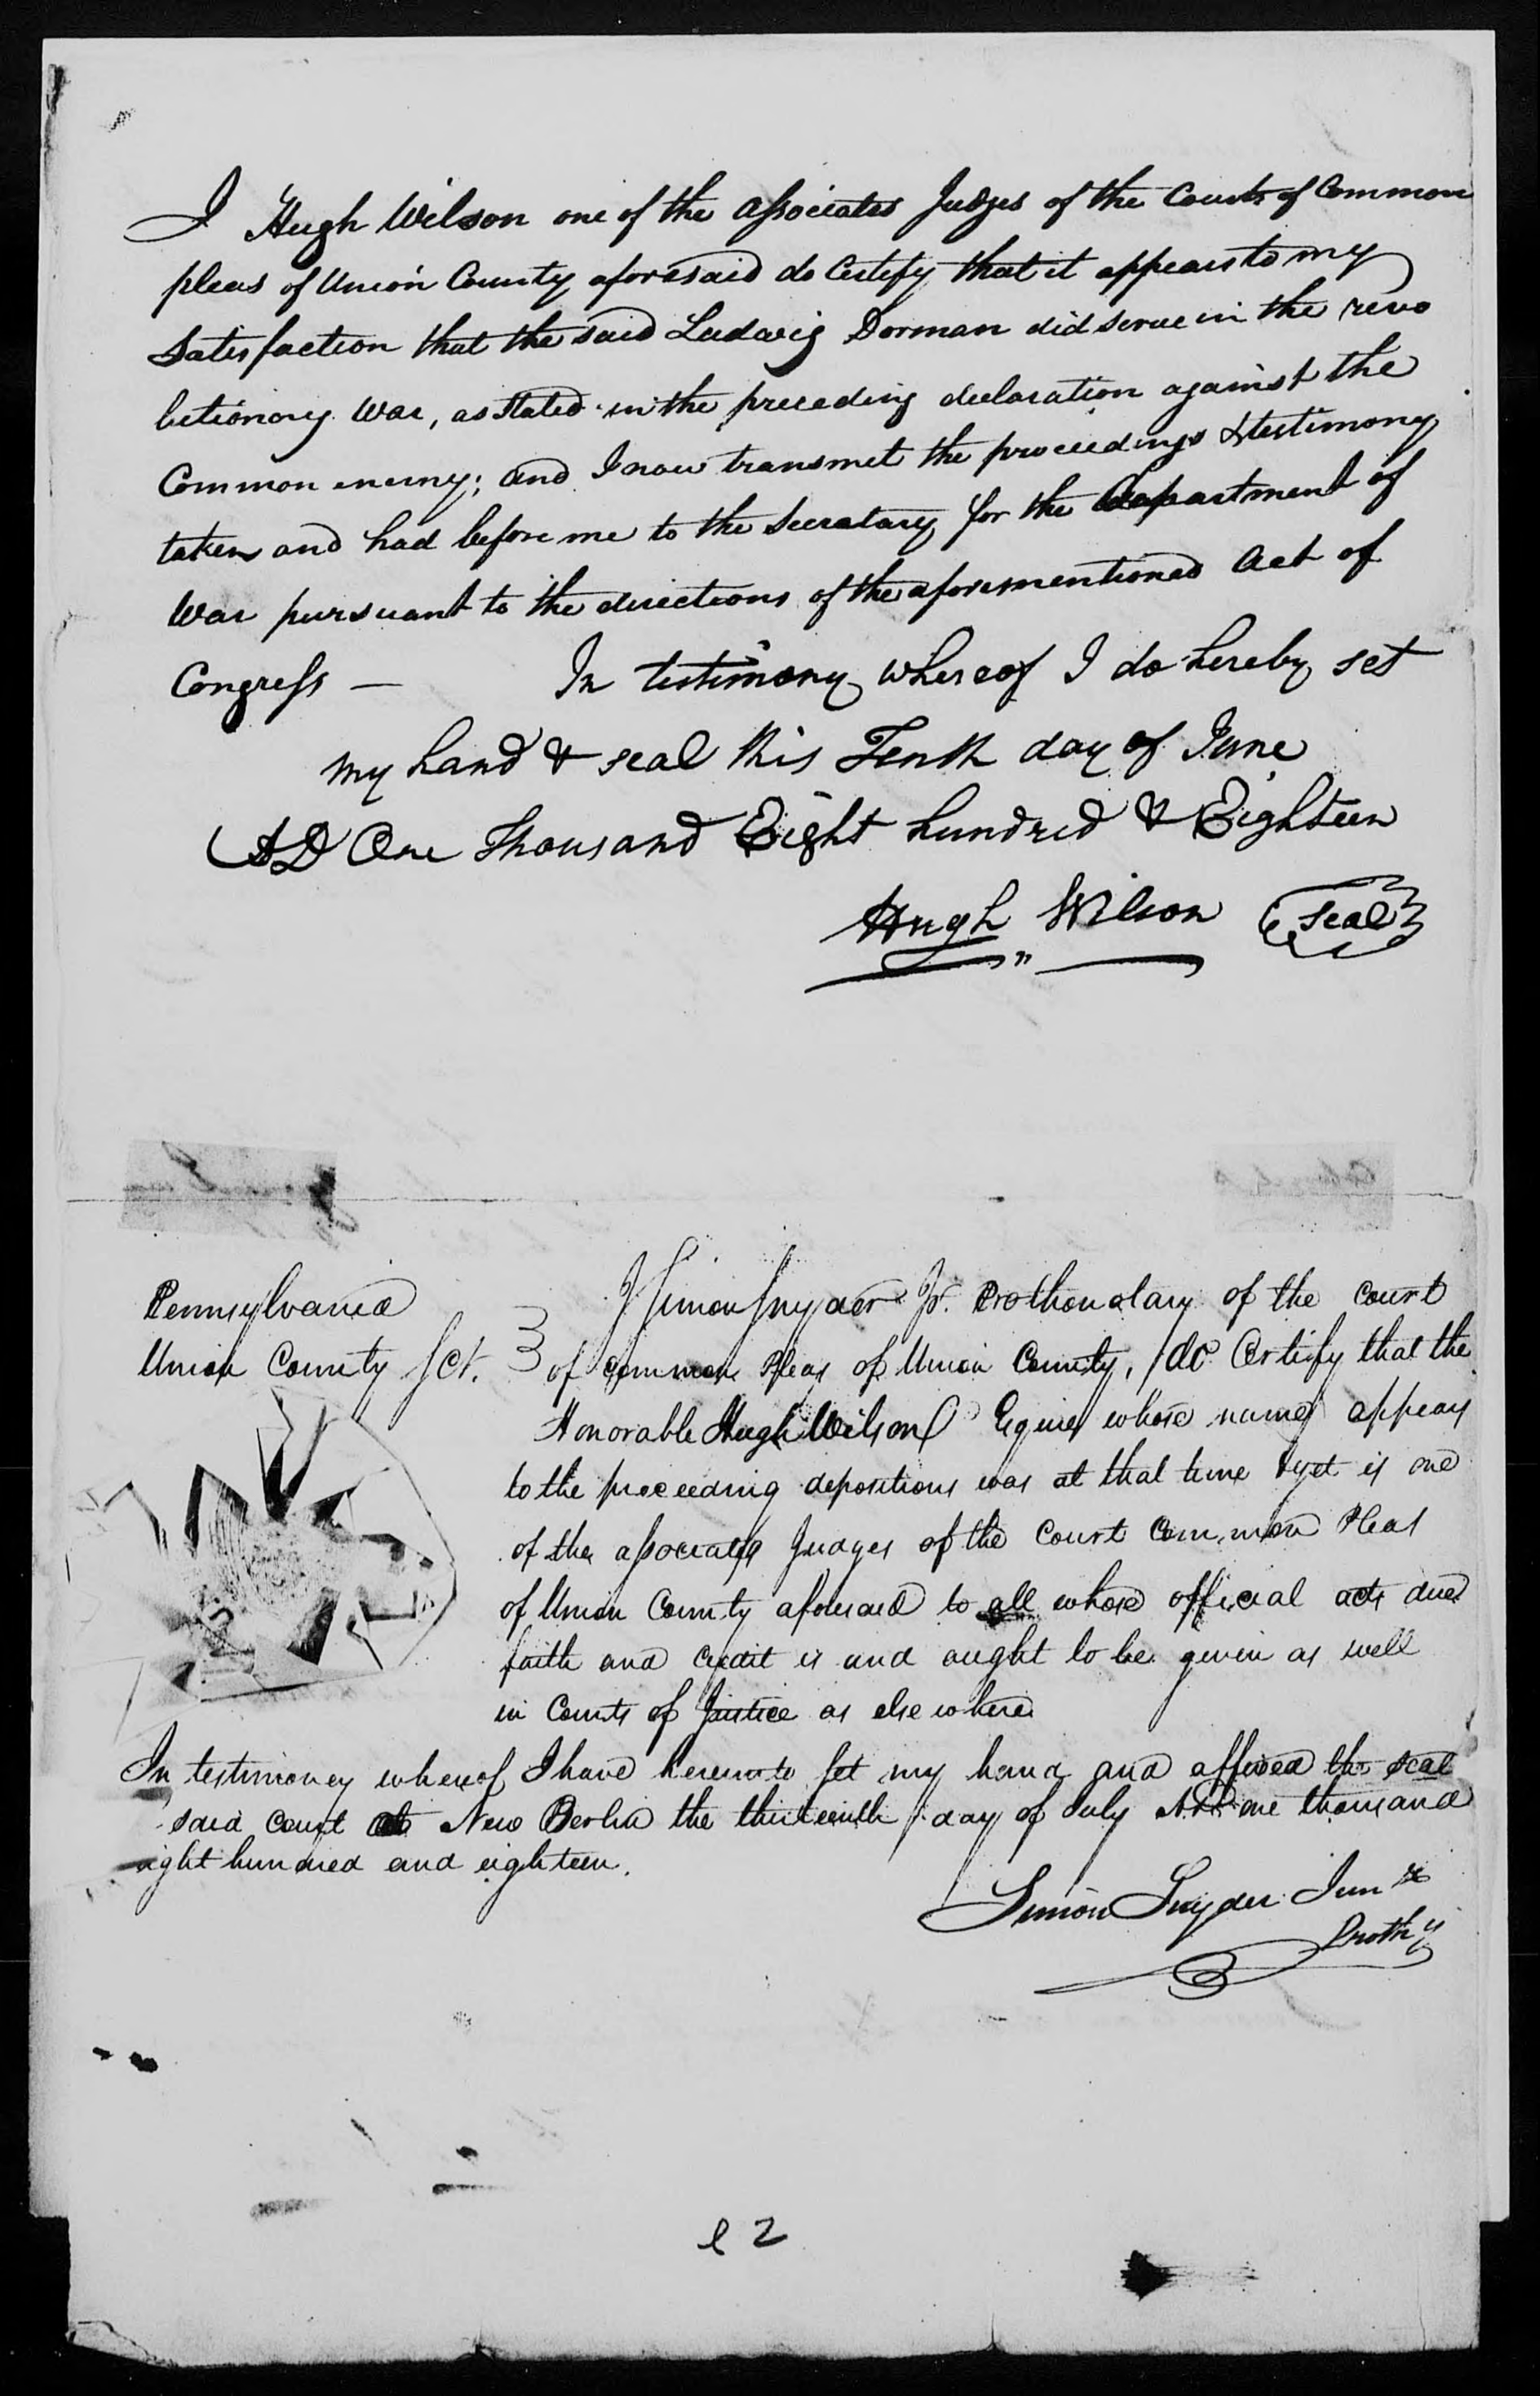I Hugh Wilson one of the associates Judges of the Court of Common Pleas of Union County aforesaid do certify that it appears to my satisfaction that the said Ludwig Dorman did serve in the revolutionary war, as stated in the preceding declaration against the common enemy; and I now transmit the proceedings & testimony taken and had before me to the Secretary for the Department of War pursuant to the directions of the aforementioned Act of Congress -            
In testimony whereof I do hereby set my hand and seal this Tenth day of June AD One Thousand Eight hundred and Eighteen               
Hugh Willson {seal}              
Pennsylvania           
Union County Sct.} I Simon Snyder Jnr Prothonotary of the Court of Common Pleas of Union County, do certify that the Honorable Hugh Wilson Esquire whose name appears to the preceeding depositions was at that time & yet is one of the associate Judges of the Court Common that of Union County aforesaid to all whose official act due faith and credit is and ought to be given as well in Courts of Justice as elsewhere             
In testimony whereof I have herewith set my hand and affixed the seal said court at New Berlin the thirteenth day of July AD one thousand eight hundred and eighteen.            
Simon Snyder Junr. 
Prothy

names: Hugh Wilson, Hugh Wilson, Simon Snyder, Hugh Wilson, Simon Snyder, Ludwig Dorman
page: 4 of 16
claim: survivor's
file: S. 42,175, Ludwig Dorman, Penn.